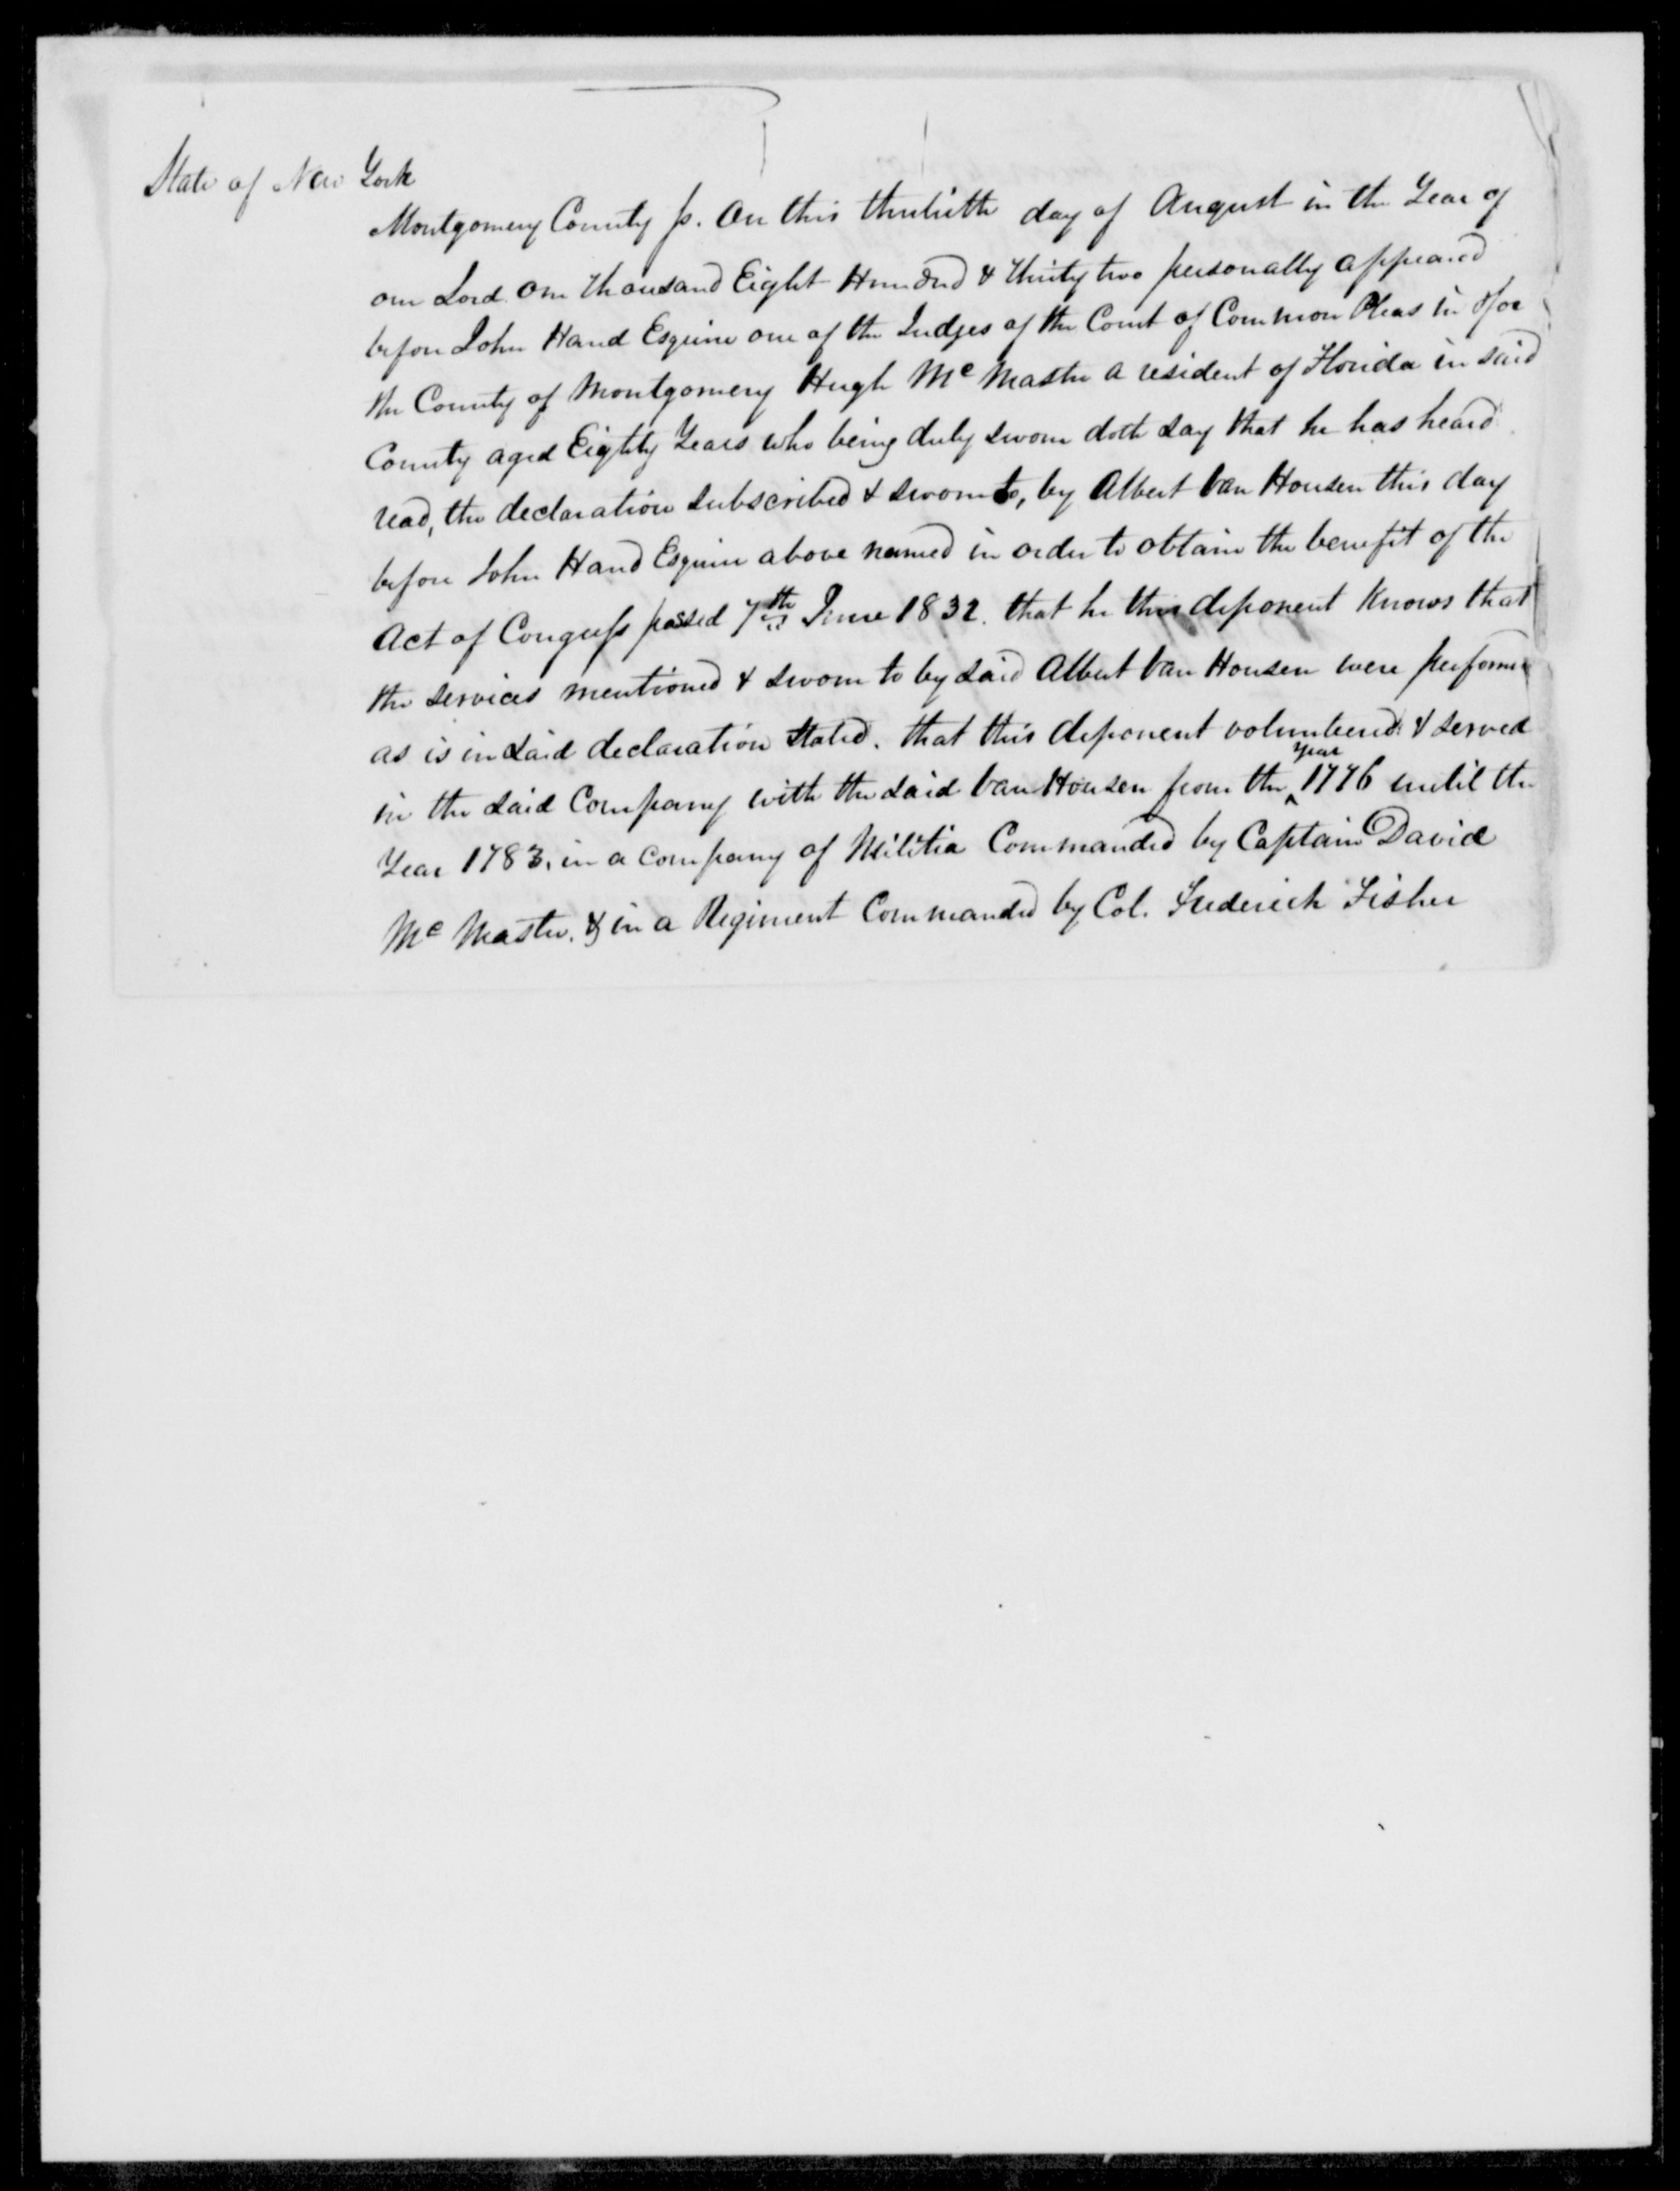State of New York 
Montgomery County ss. On this thirtieth day of August in the year of our Lord one thousand Eight Hundred & Thirty two personally appeared before John Hand Esquire one of the Judges of the Court of Common Pleas in for the County of Montgomery Hugh McMaster a resident of Florida in said County aged Eighty years who being duly sworn doth say that he has heard read, the declaration subscribed & sworn to, by Albert Van Housen this day before John Hand Esquire above named in order to obtain the benefit of the act of Congress passed 7th June 1832. that he this deponent knows that the services mentioned & sworn to by said Albert Van Housen were perform as is in said declaration stated. that this deponent volunteered & served in the said Company with the said Van Housen from the year 1776 until the year 1783, in a company of Militia commanded by Captain David McMaster, & in a Regiment commanded by Col. Frederick Fisher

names: Frederick Fisher, John Hand, David Mc Master, Albert Van Housen, John Hand, Hugh Mc Master, Van Housen, Albert Van Housen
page: 4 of 57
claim: survivor's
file: S. 28,925, Albert Van Housen, New York